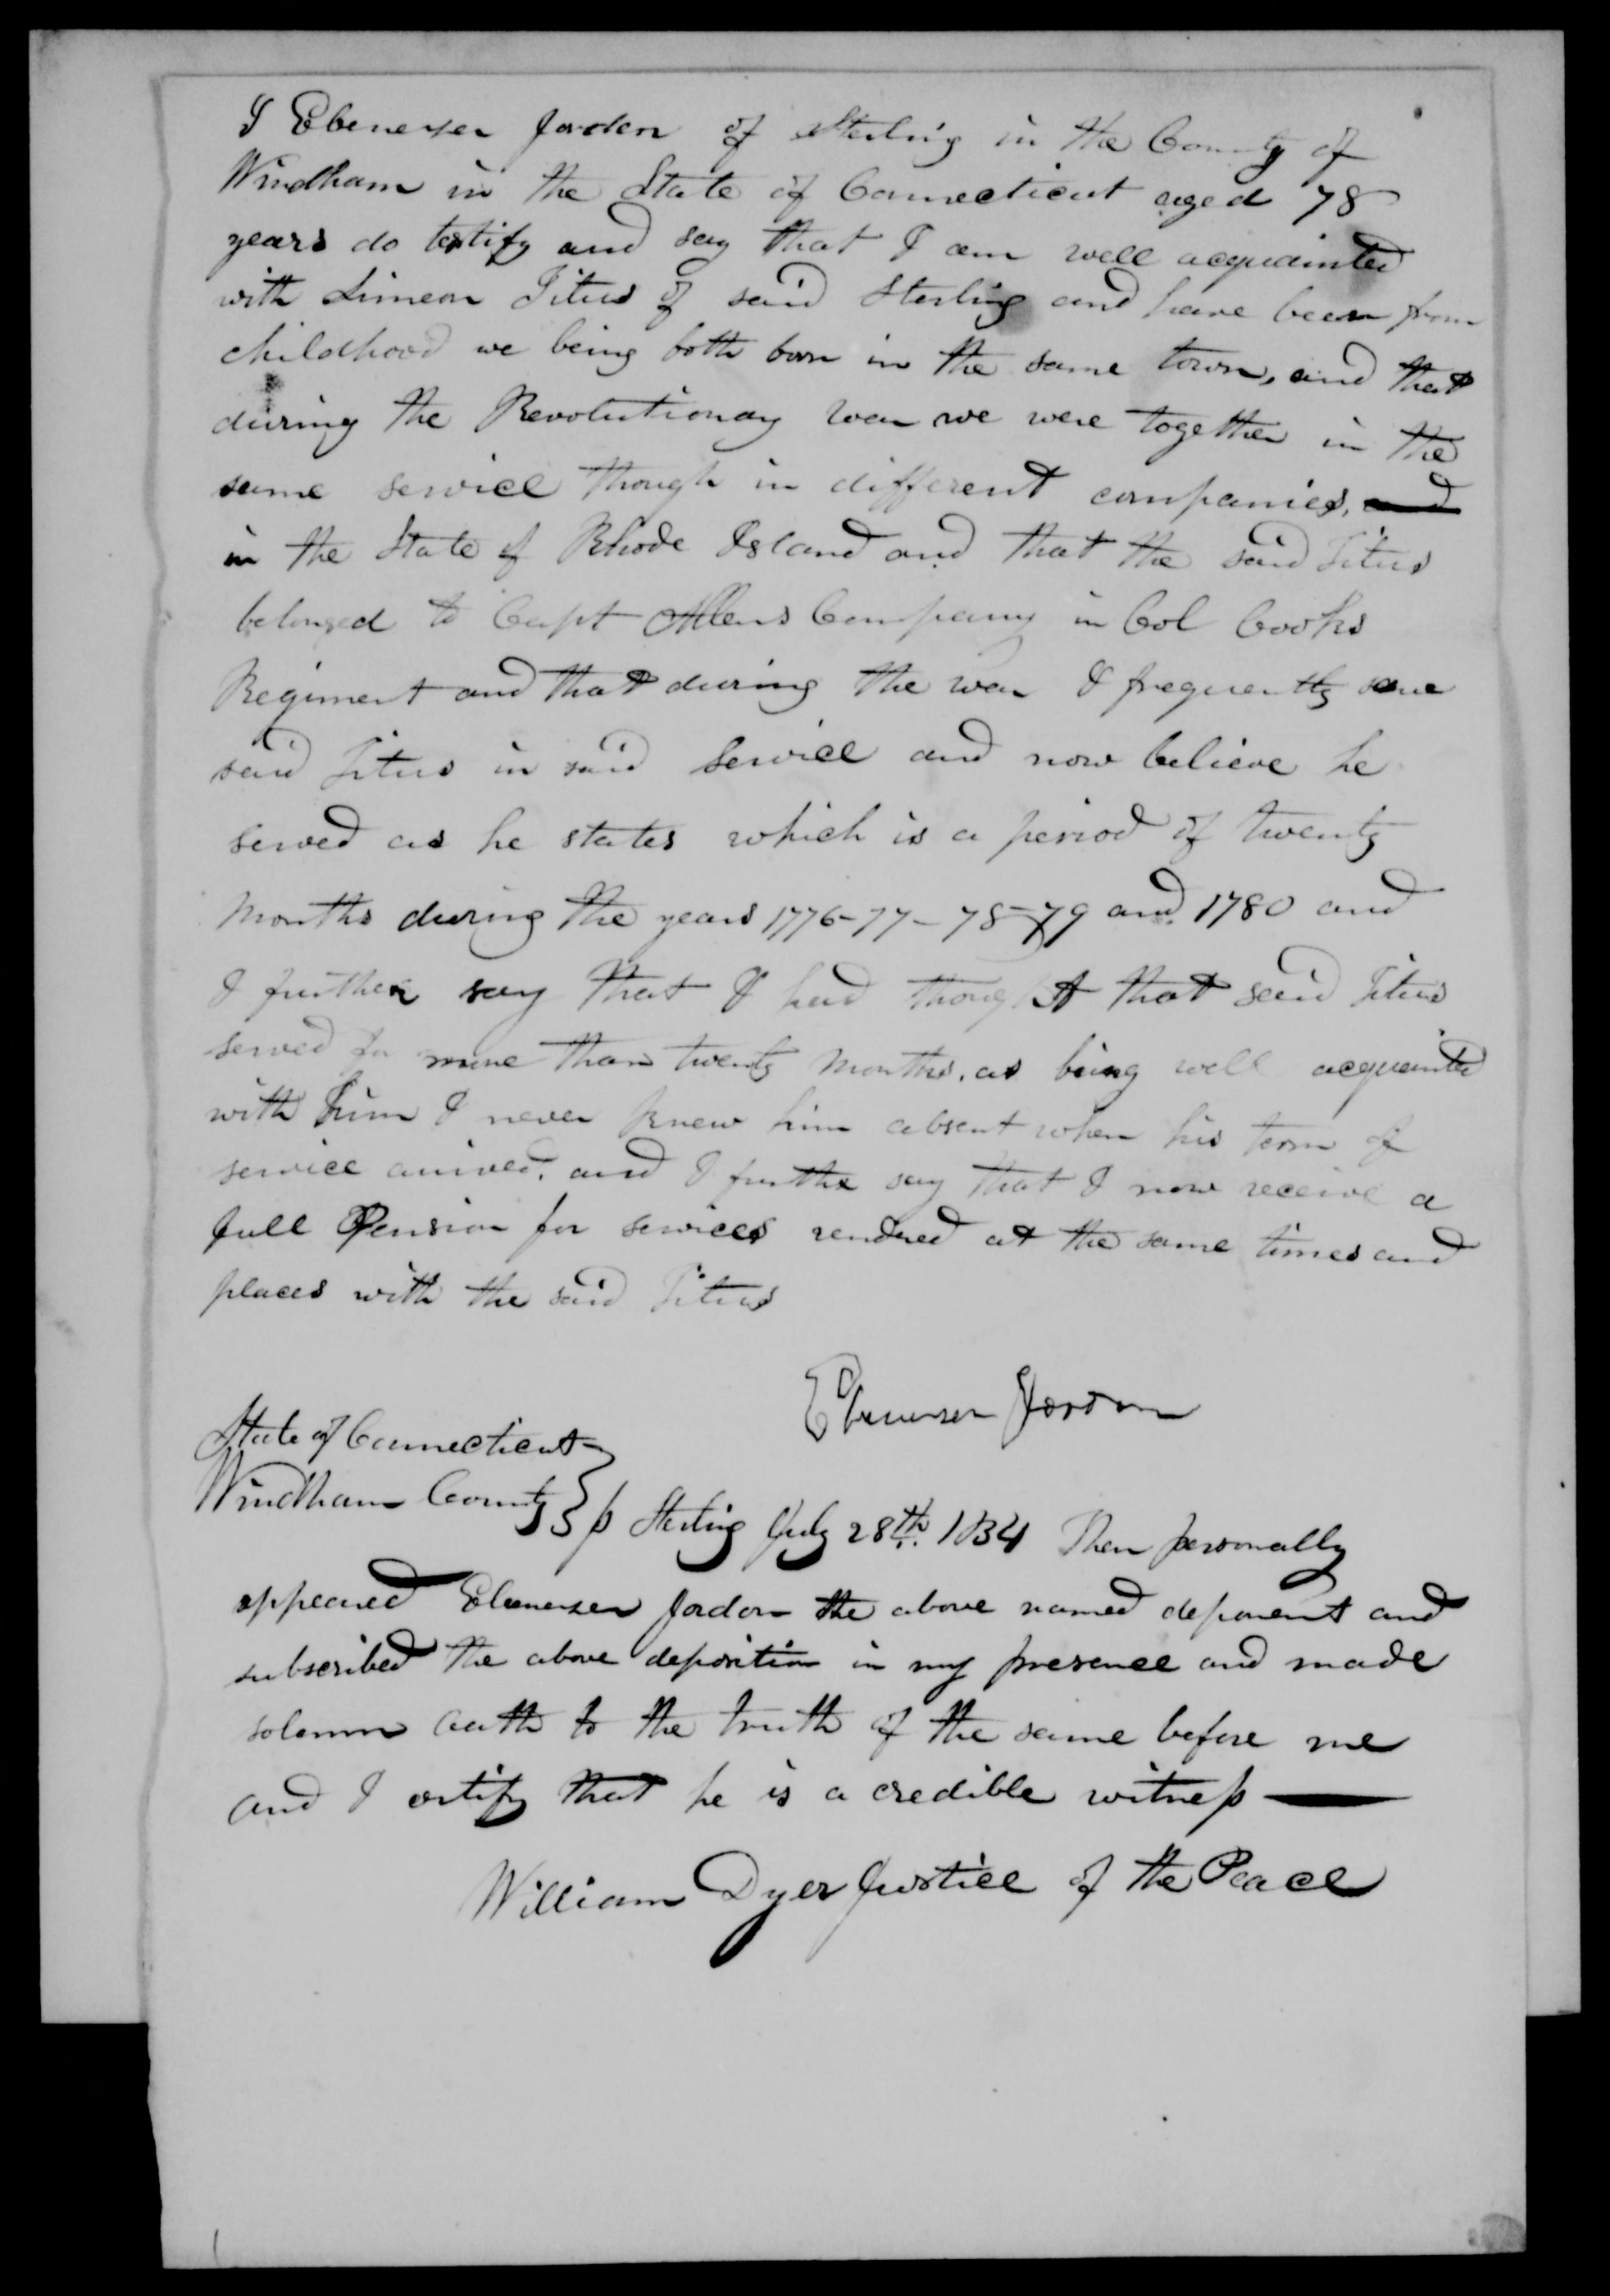I Ebenezer Jorden of Sterling in the County of Windham in the State of Connecticut aged 78 years do testify and say that I am well acquainted with Simeon Titus of said Sterling and have been from childhood  we being both born in the same town, and that during the Revolutionary war we were together in the same service though in different companies  I in the State of Rhode Island and the the said Titus belonged to  Capt Allens Company in Col Cooks Regiment and the during the war & frequently saw said Titus in said Service and now believe he served as he states which is a period of twenty months during the years 1776-77-78-79 and 1780 and I further say that I had thought that said Titus served for more than twenty months, as being well acquainted with him I never knew him absent when his terms of service arrived, and I further say that I now receive a full pension for services rendered at the same times and places with the said Titus.

Ebenezer Jorden

State of Connecticut}
Windham County} ss

Sterling July 28th 1834  The personally appeared Ebenezer Jorden the above named deponent and made solemn oath to the truth of the same before me and I certify the he is a credible witness__
William Dyer Justice of the Peace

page: 5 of 74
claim: survivor's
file: S. 11556, for Simeon Titus, Rhode Island